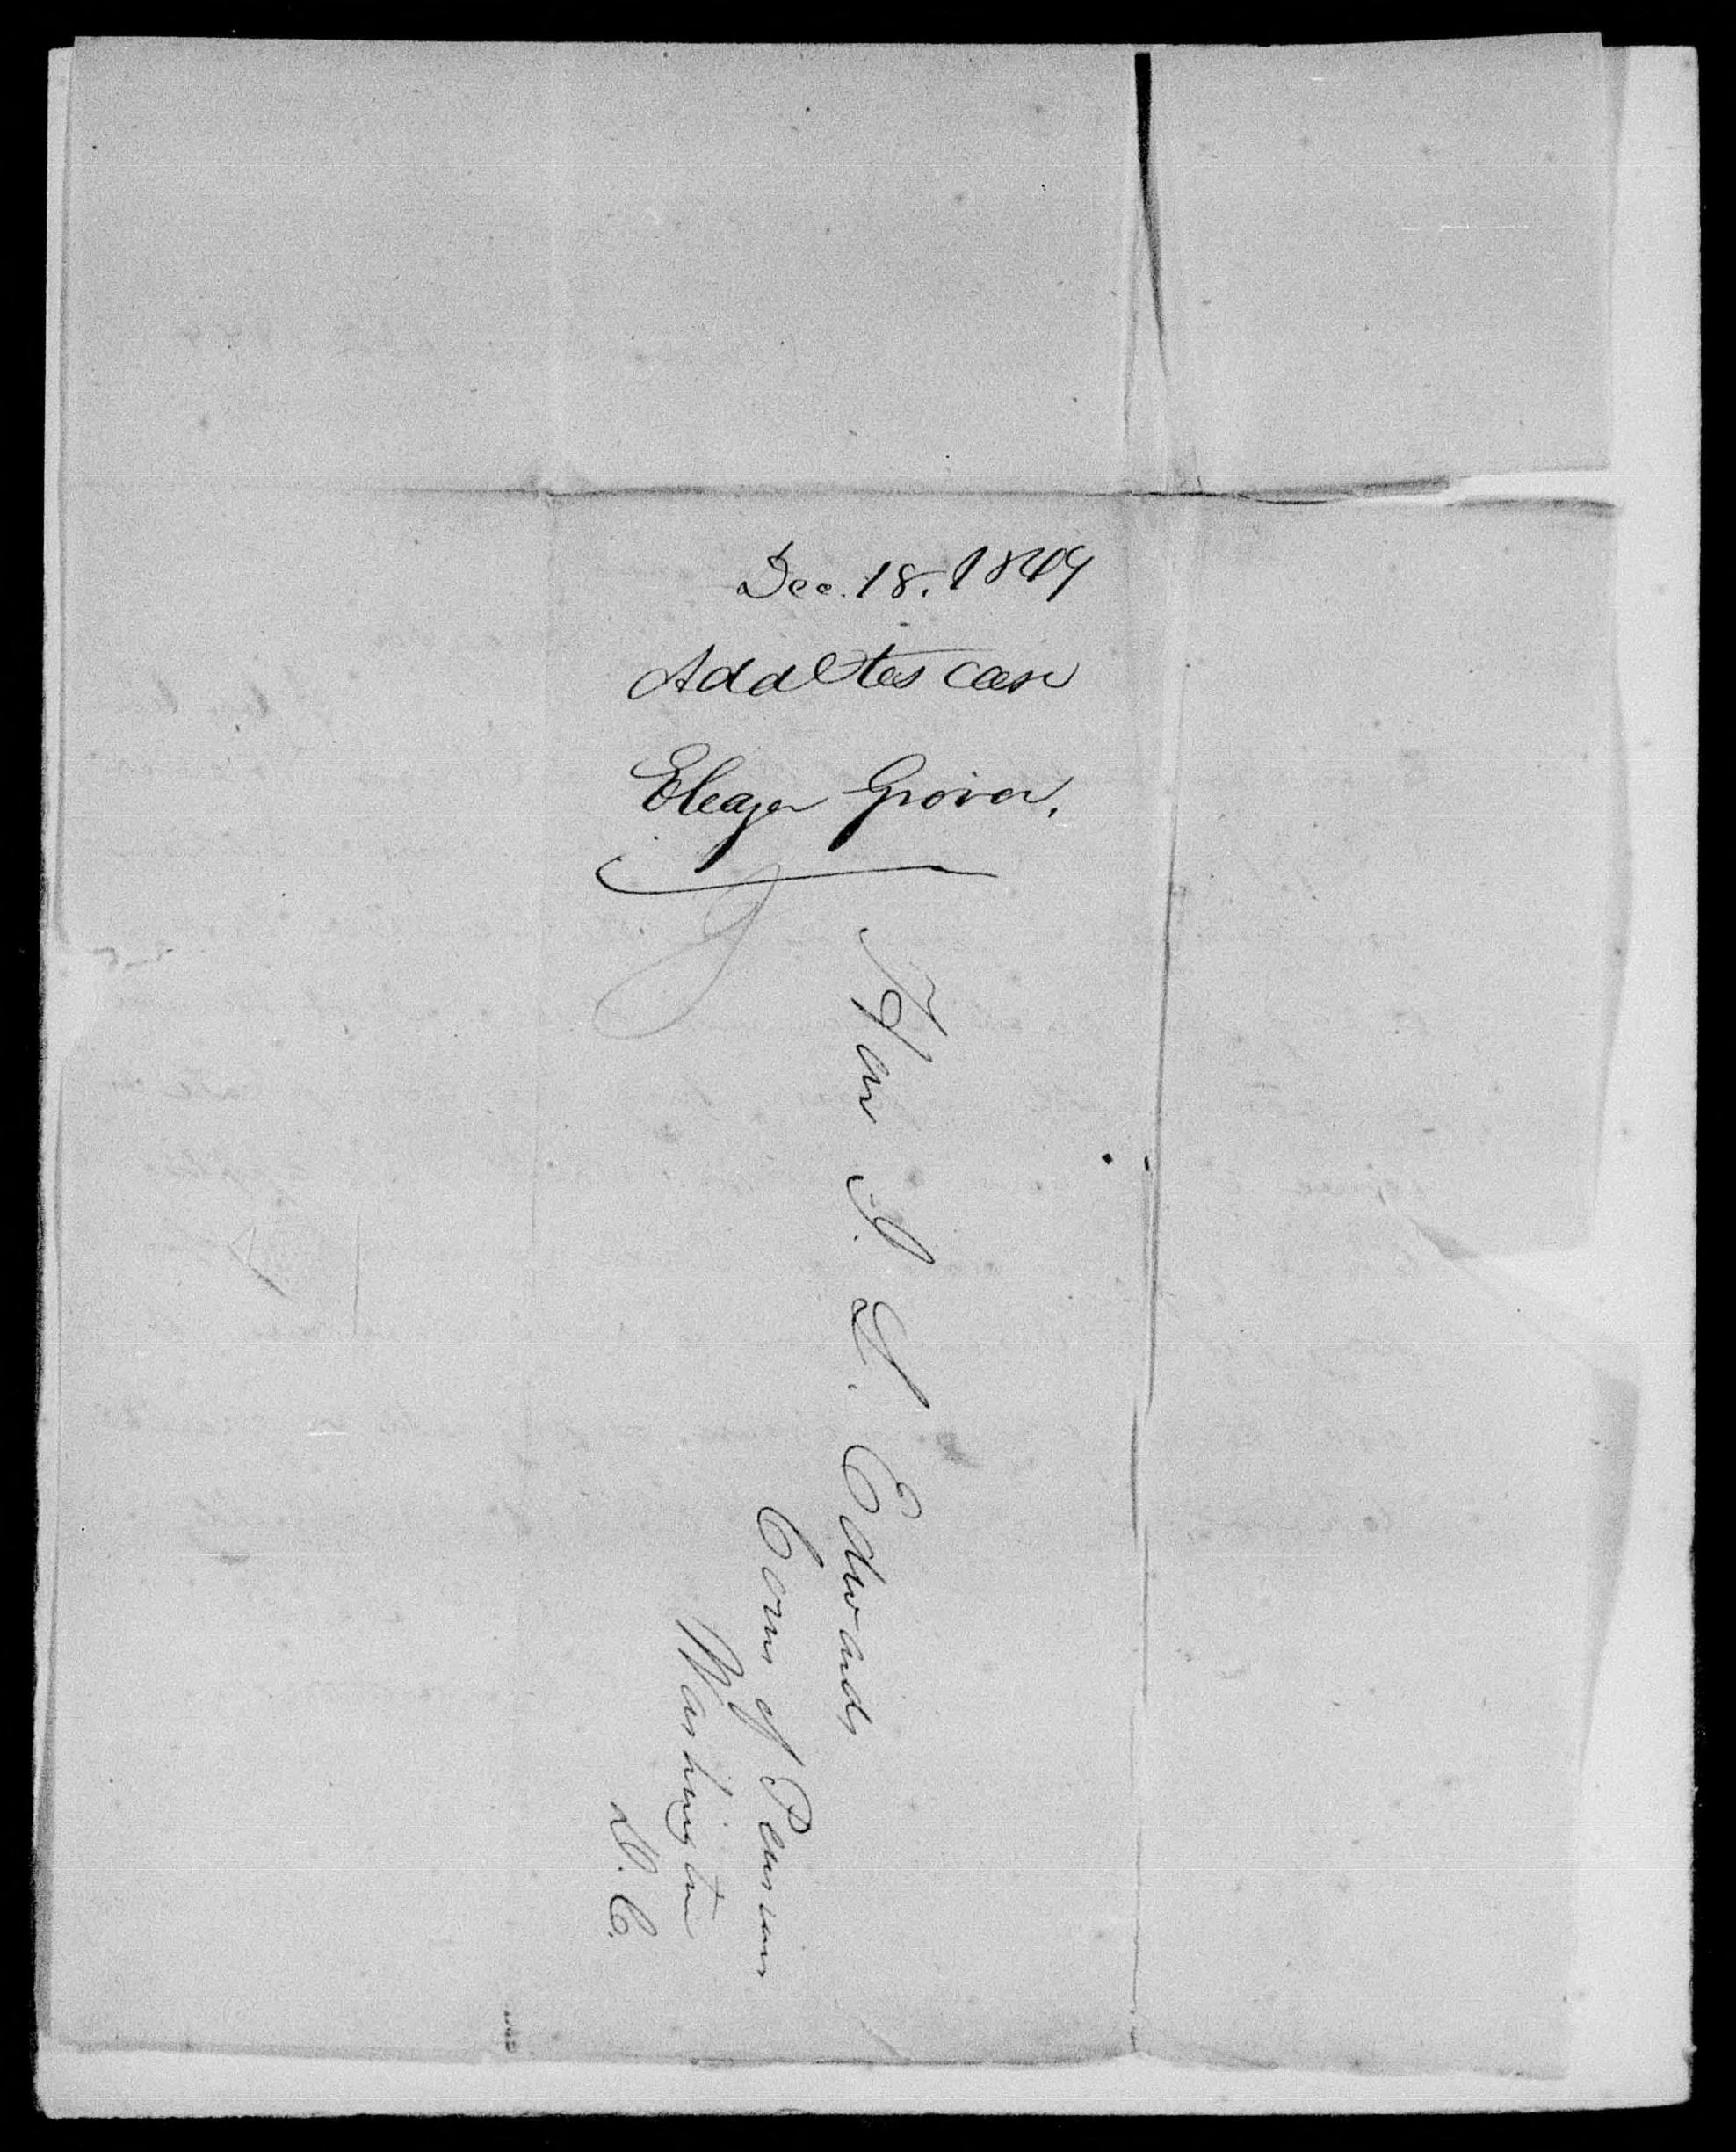Dec. 18, 1844
Addl tes case
Eleazer Grover
Hon J. L. Edwards
Comm of Pensions
Washington D. C.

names: J L Edwards, Eleazer Grover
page: 27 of 43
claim: survivor's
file: S. 28748, Eleazer Grover, Continental Mass. Vt.